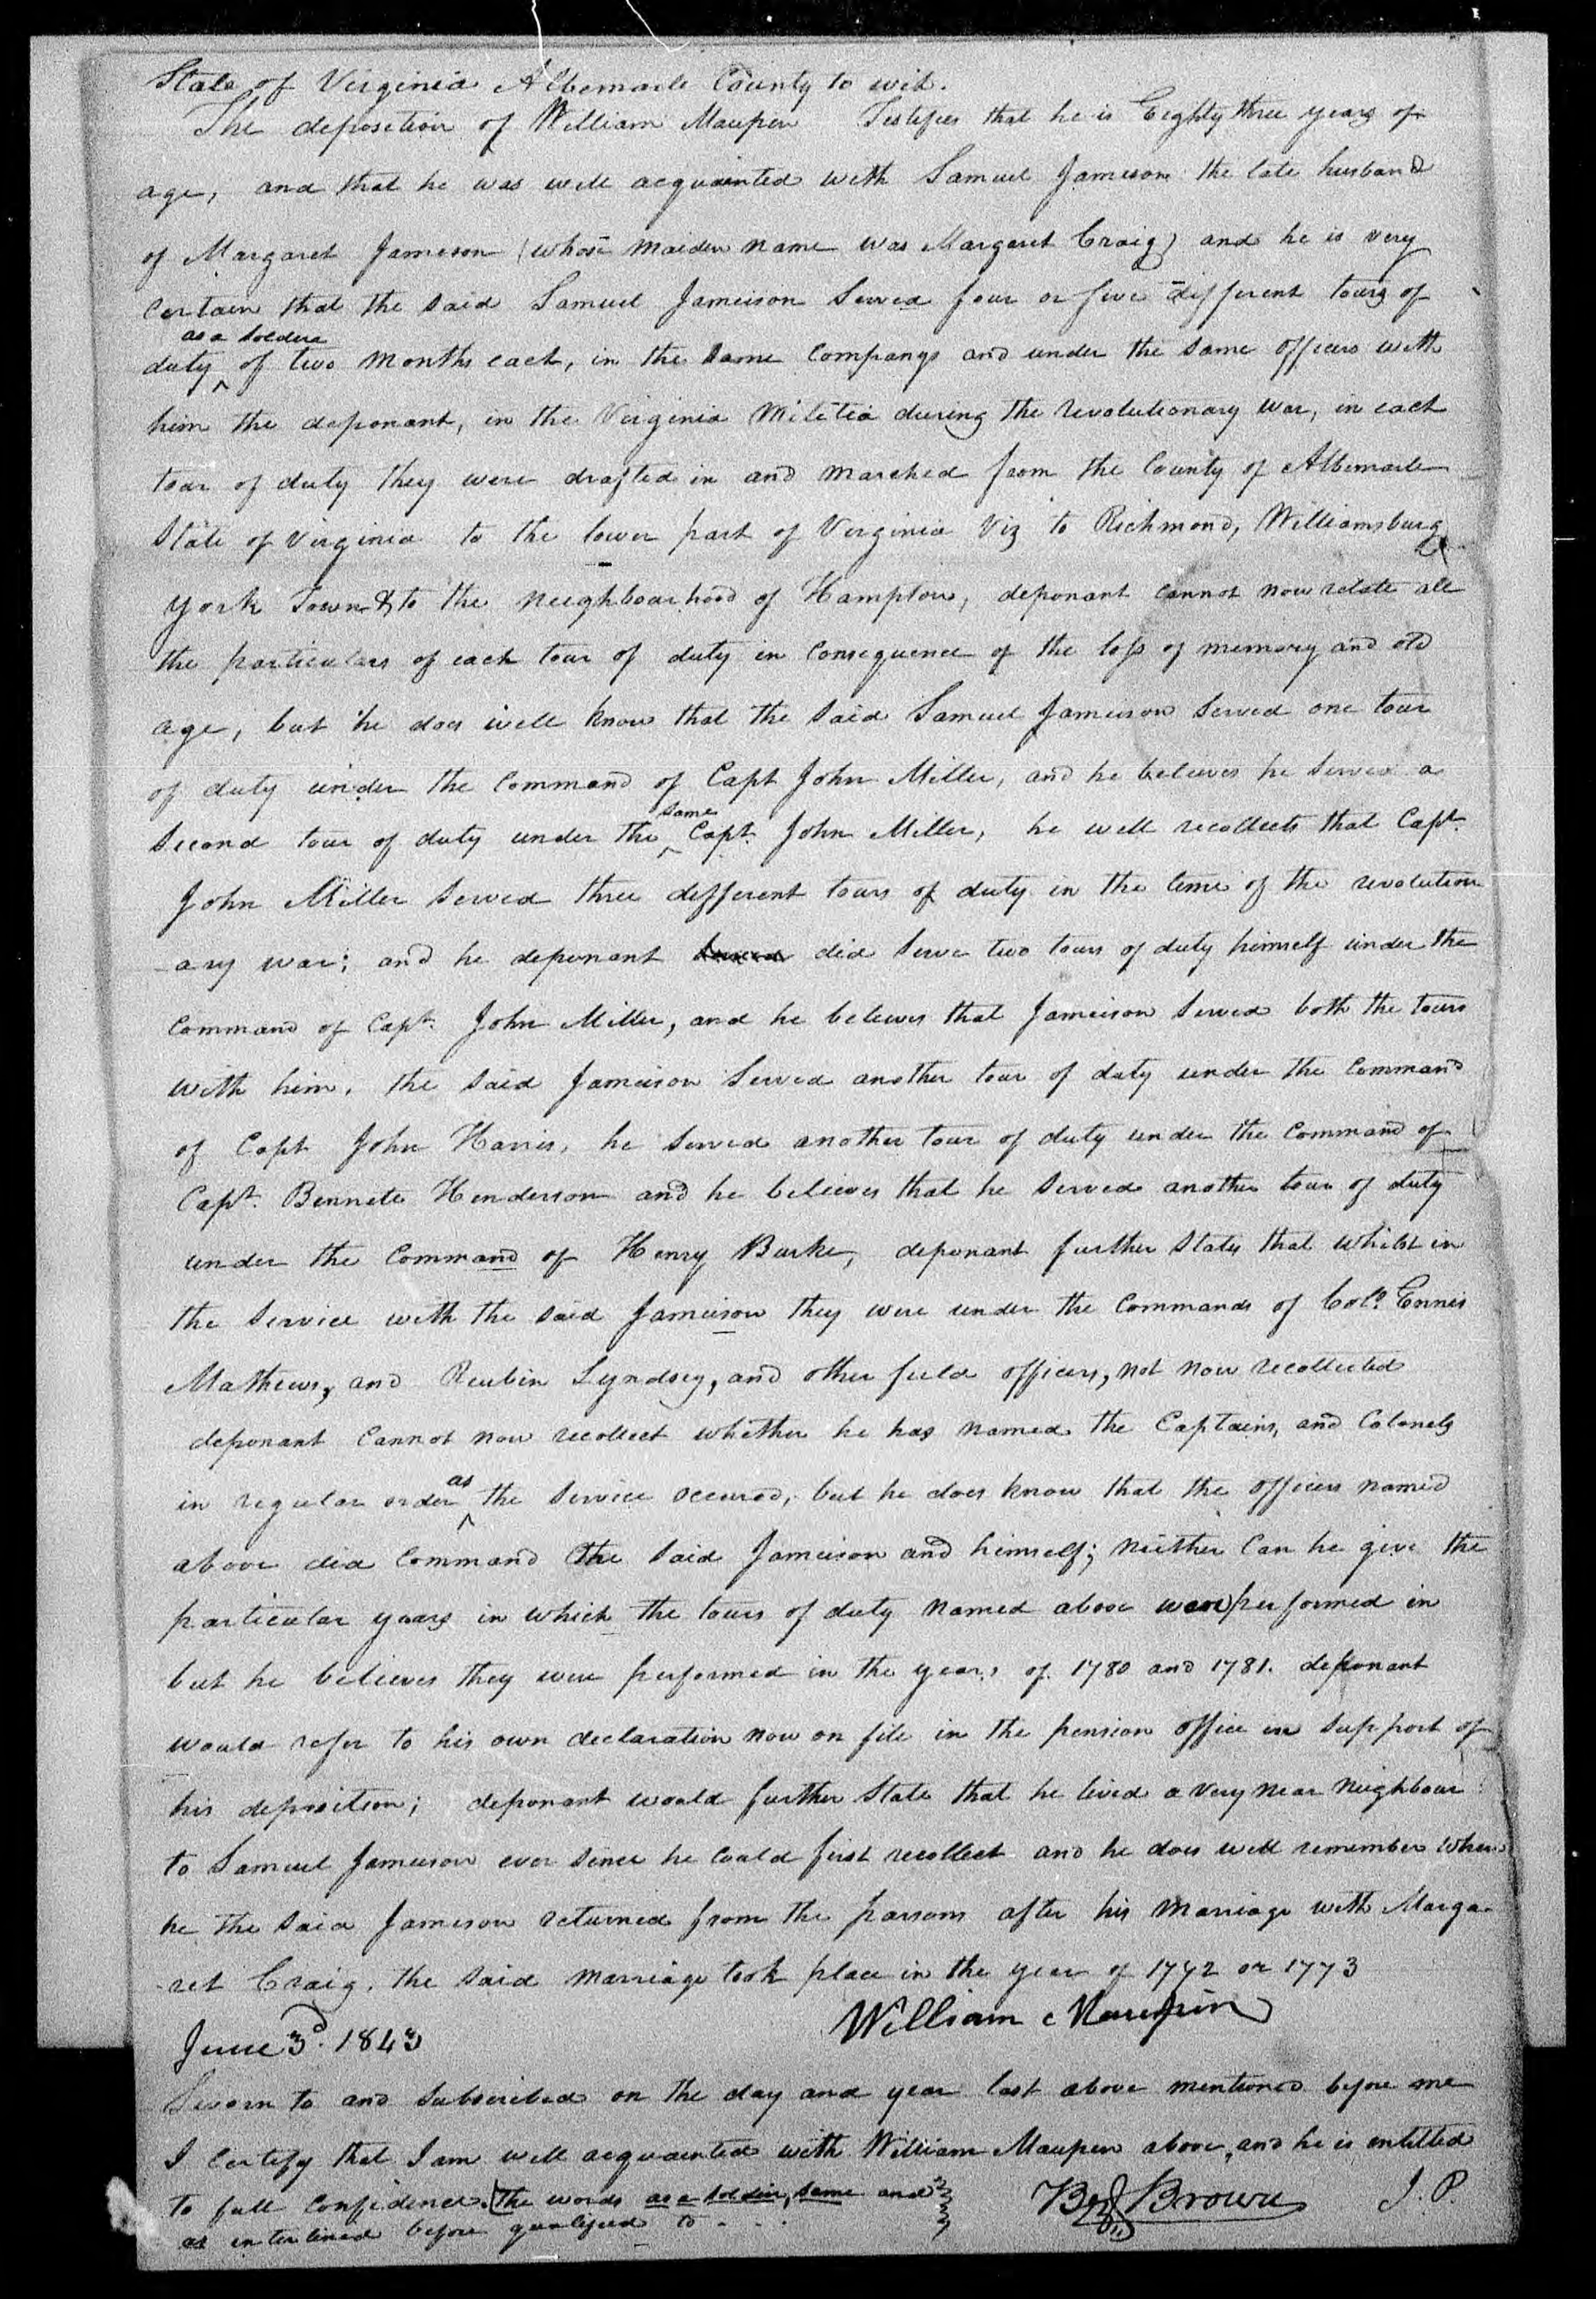State of Virginia Albermarle County to wit.
  The deposition of William Maupin.  Testifies that he is Eighty three years of
age, and that he was well acquainted with Samuel Jameson the late husband
of Margaret Jameson whose maiden name was Margaret Craig, and he is very 
certain that the said Samuel Jamieson served four or five different tours of
duty as a soldier of two months each, in the same Company and under the same officers with
him the deponent, in the Virginia Militia during the revolutionary war, in each
tour of duty they were drafted in and marched from the County of Albermarle
State of Virginia to the lower part of Virginia viz to Richmond, Williamsburg,
York Town & to the neighborhood of Hampton, deponent cannot now relate all
the particulars of each tour of duty in Consequence of the loss of memory and old
age, but he does well know that the said Samuel Jamieson served one tour 
of duty under the Command of Capt. John Miller, and he believes he served a
second tour of duty under the same Capt. John Miller, he well recollects that Capt.
John Miller served three different tours of duty in the time of the revolutionary
war; and he deponent did serve two tours of duty himself under the
Command of Capt. John Miller, and he believes that Jamieson served both the tours 
with him, the said Jamieson served another tour of duty under the Command 
of Capt. Bennett Henderson and he believes that he served another tour of duty
under the Command of Henry Burke, deponent further states that while in 
the service with the said Jamieson they were under the Command of Capt. Gornes
Mathews, and Reubin Lyndsay, and other field officers, not now recollected
deponent cannot now recollect whether he has named the Captains, and Colonels
in regular order as the service deemed, but he does know that the officers named
above did Command the said Jamieson and himself; neither can he give the
particular years in which the tours of duty named above were performed in
but he believes they were performed in the years of 1780 and 1781. deponent
would refer to his own declaration now on file in the pension office in support of
his deposition; deponent would further state that he lived a very near neighbor
to Samuel Jamieson ever since he could first recollect and he does well remember when
he the said Jameson returned from the parson after his marriage with Margaret
Craig, the said marriage took place in the year of 1772 or 1773
William Maupin

June 3rd 1843
Sworn to and Subscribed on the day and year last above mentioned before me
I certify that I am well acquainted with William Maupin above and he is entitled
to full confidence. (The words as a soldier, same and
as interlined before qualified to...)
Bezl. Brown J.P.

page: 26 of 28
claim: widow's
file: W. 5112, for Samuel Jamieson, Virginia